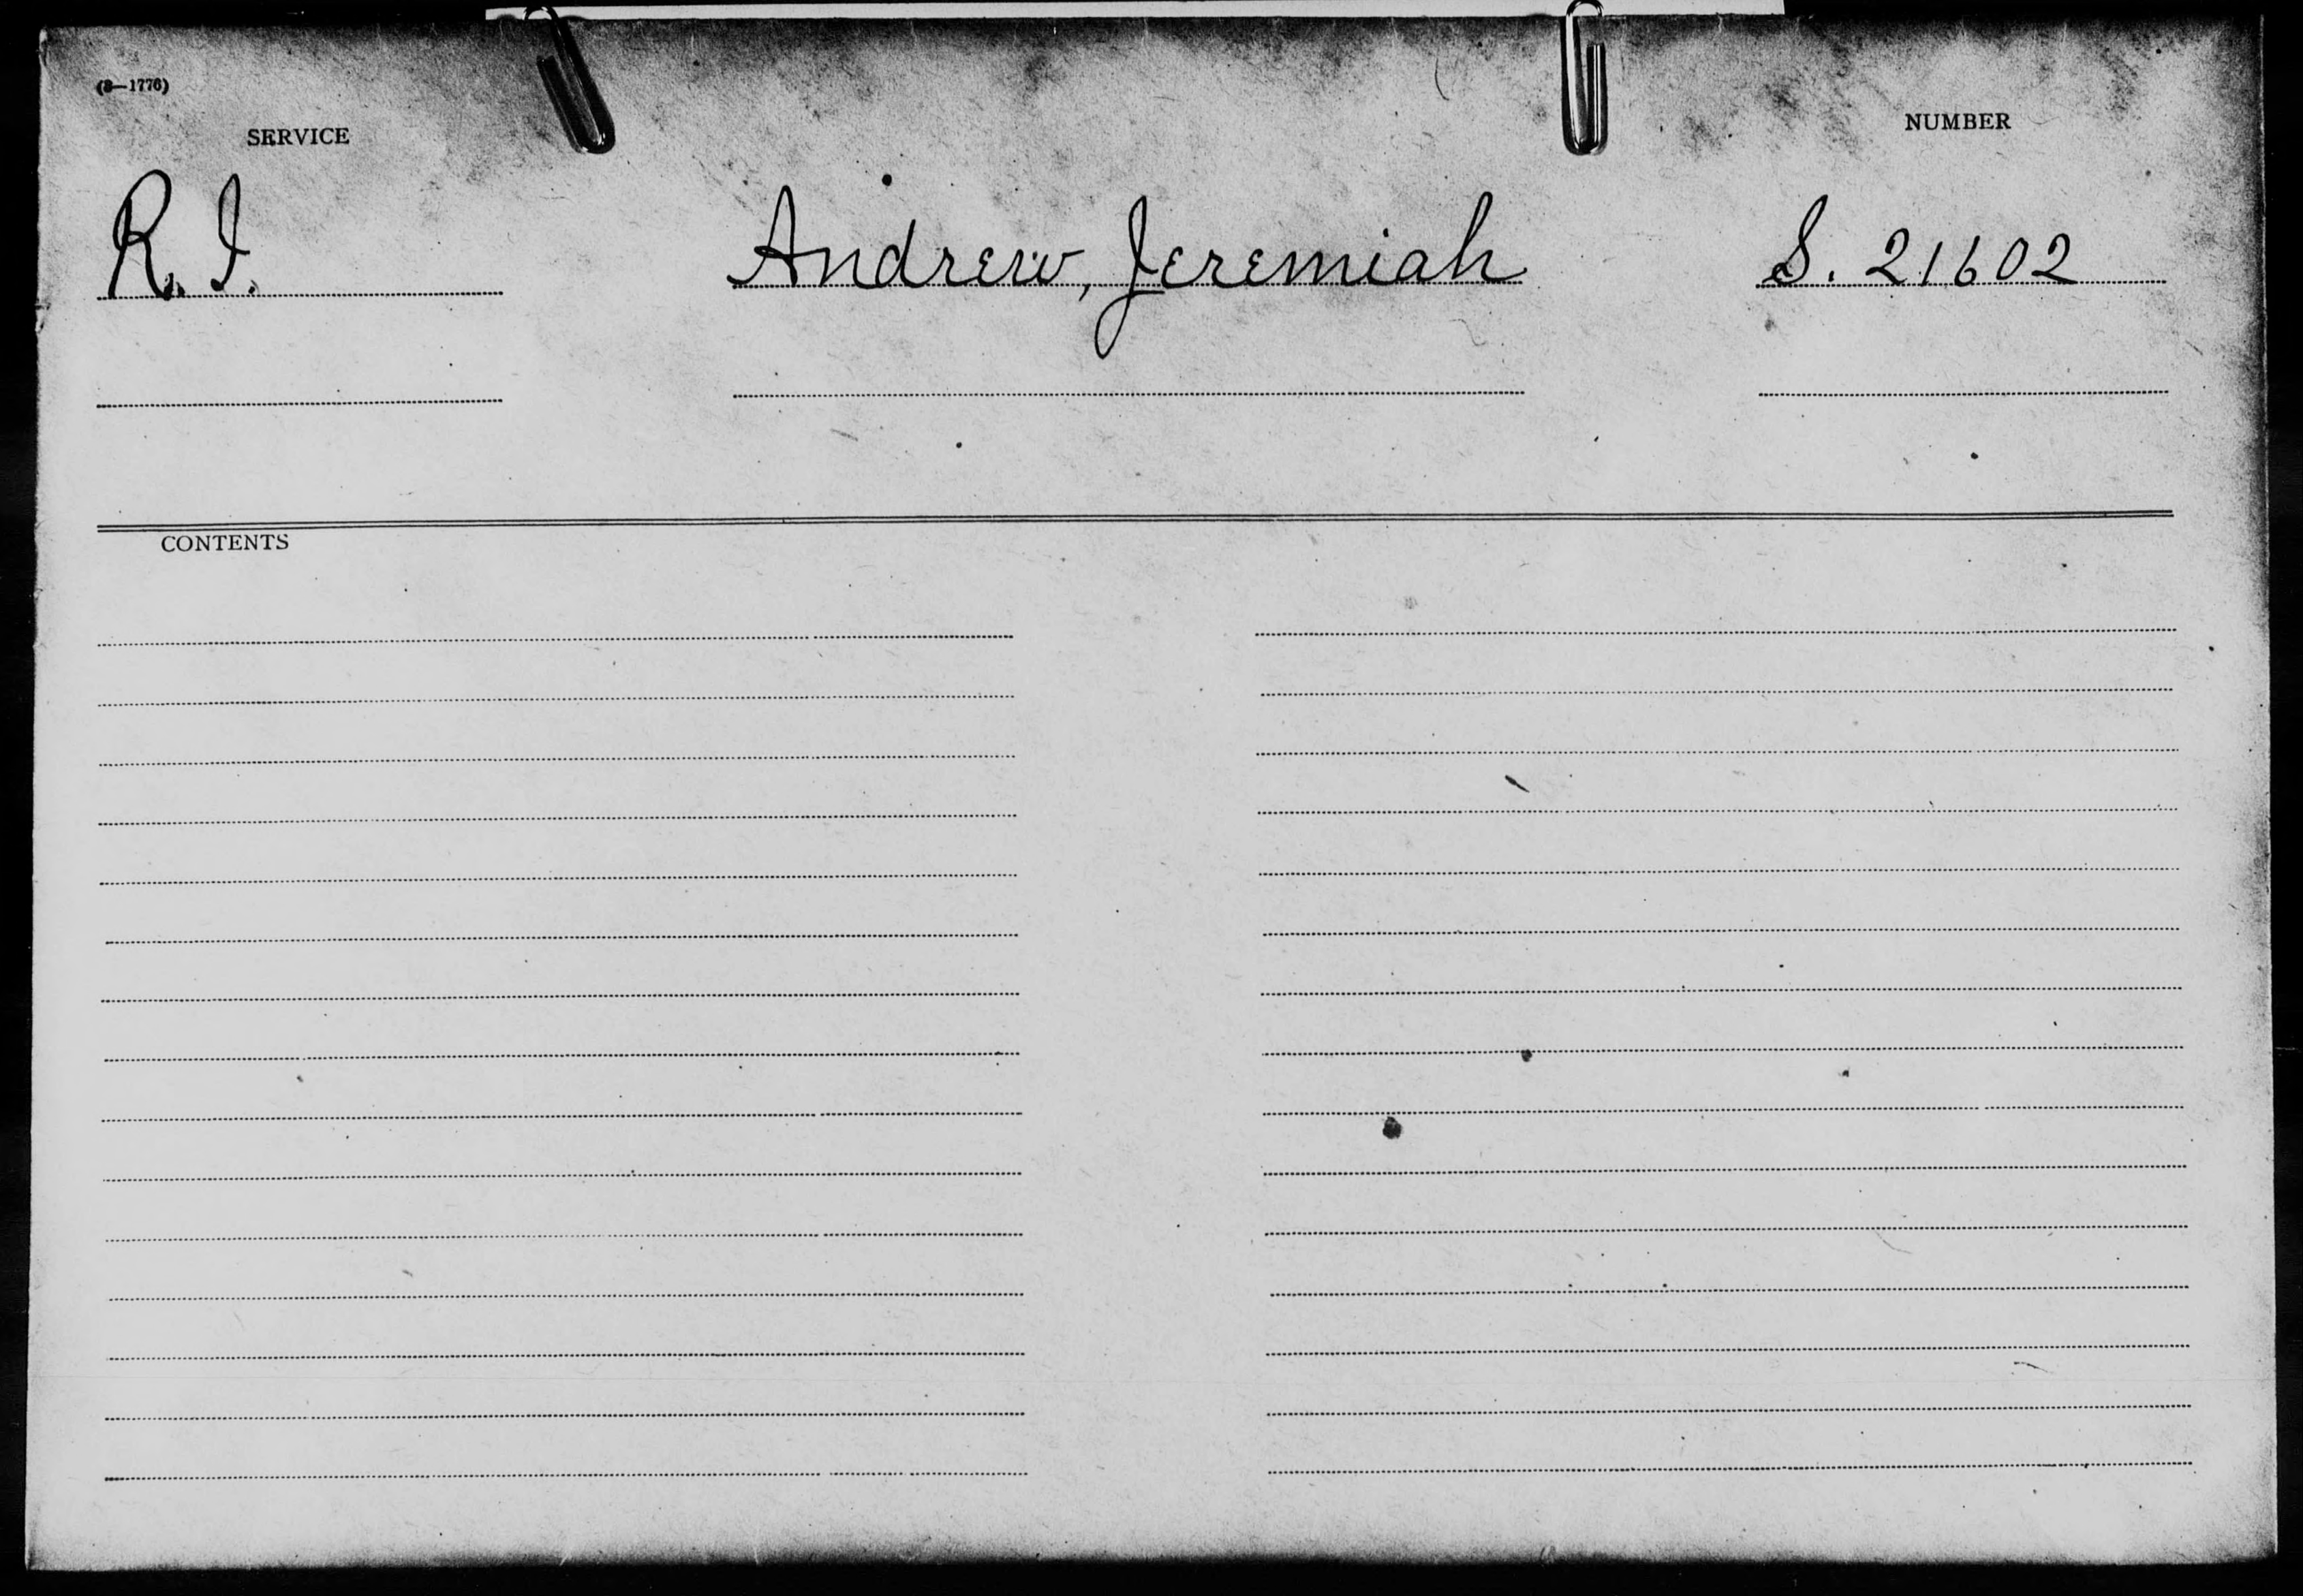(3-1776)
SERVICE
R.I.

Andrew, Jeremiah

NUMBER
S. 21602

CONTENTS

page: 1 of 29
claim: survivor's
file: S 21602, Jeremiah Andrew, R.I.